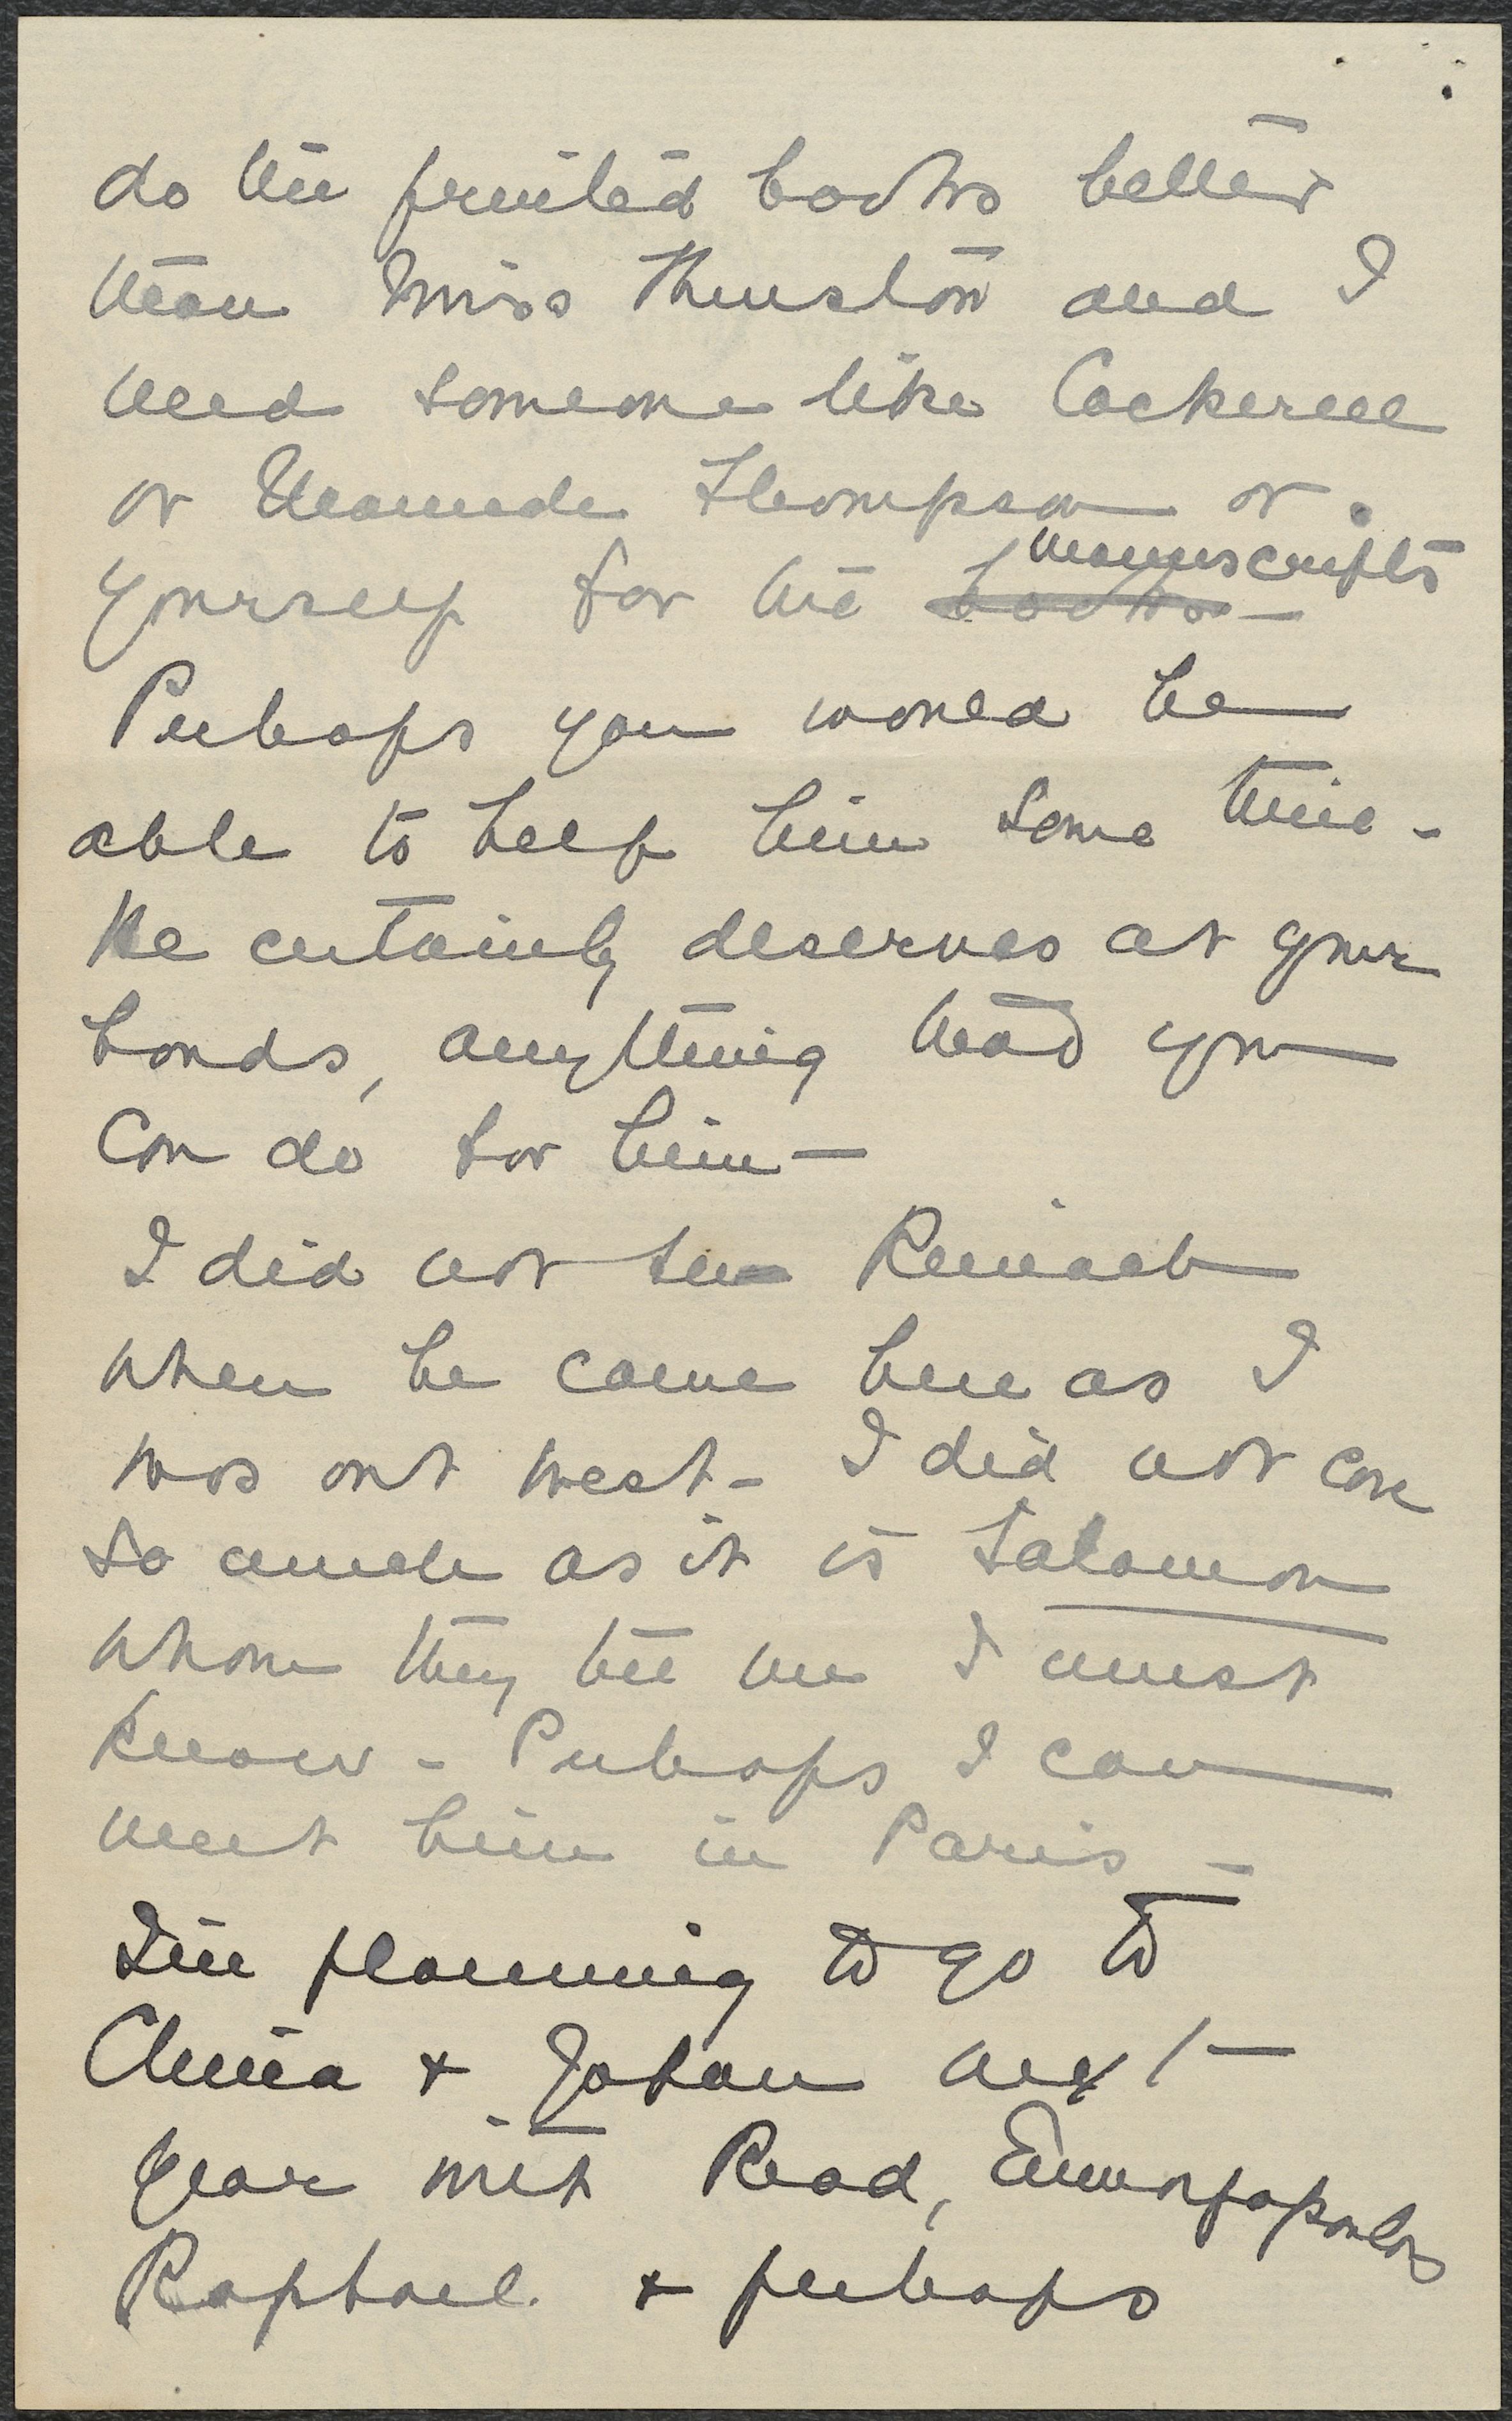do the printed books better than Miss Thurston and I need someone like Cockerell or Maunde Thompson or yourself for the books [^manuscripts^] – Perhaps you would be able to help him some time – he certainly deserves at your hands anything that you can do for him –
I did not see Reinach when he came here as I was out west – I did not care so much as it is Salomon whom they tell me I must know – Perhaps I can meet him in Paris –
[change in ink] I'm planning to go to China & Japan next year with Read, Eumorfopoulos, Raphael & perhaps